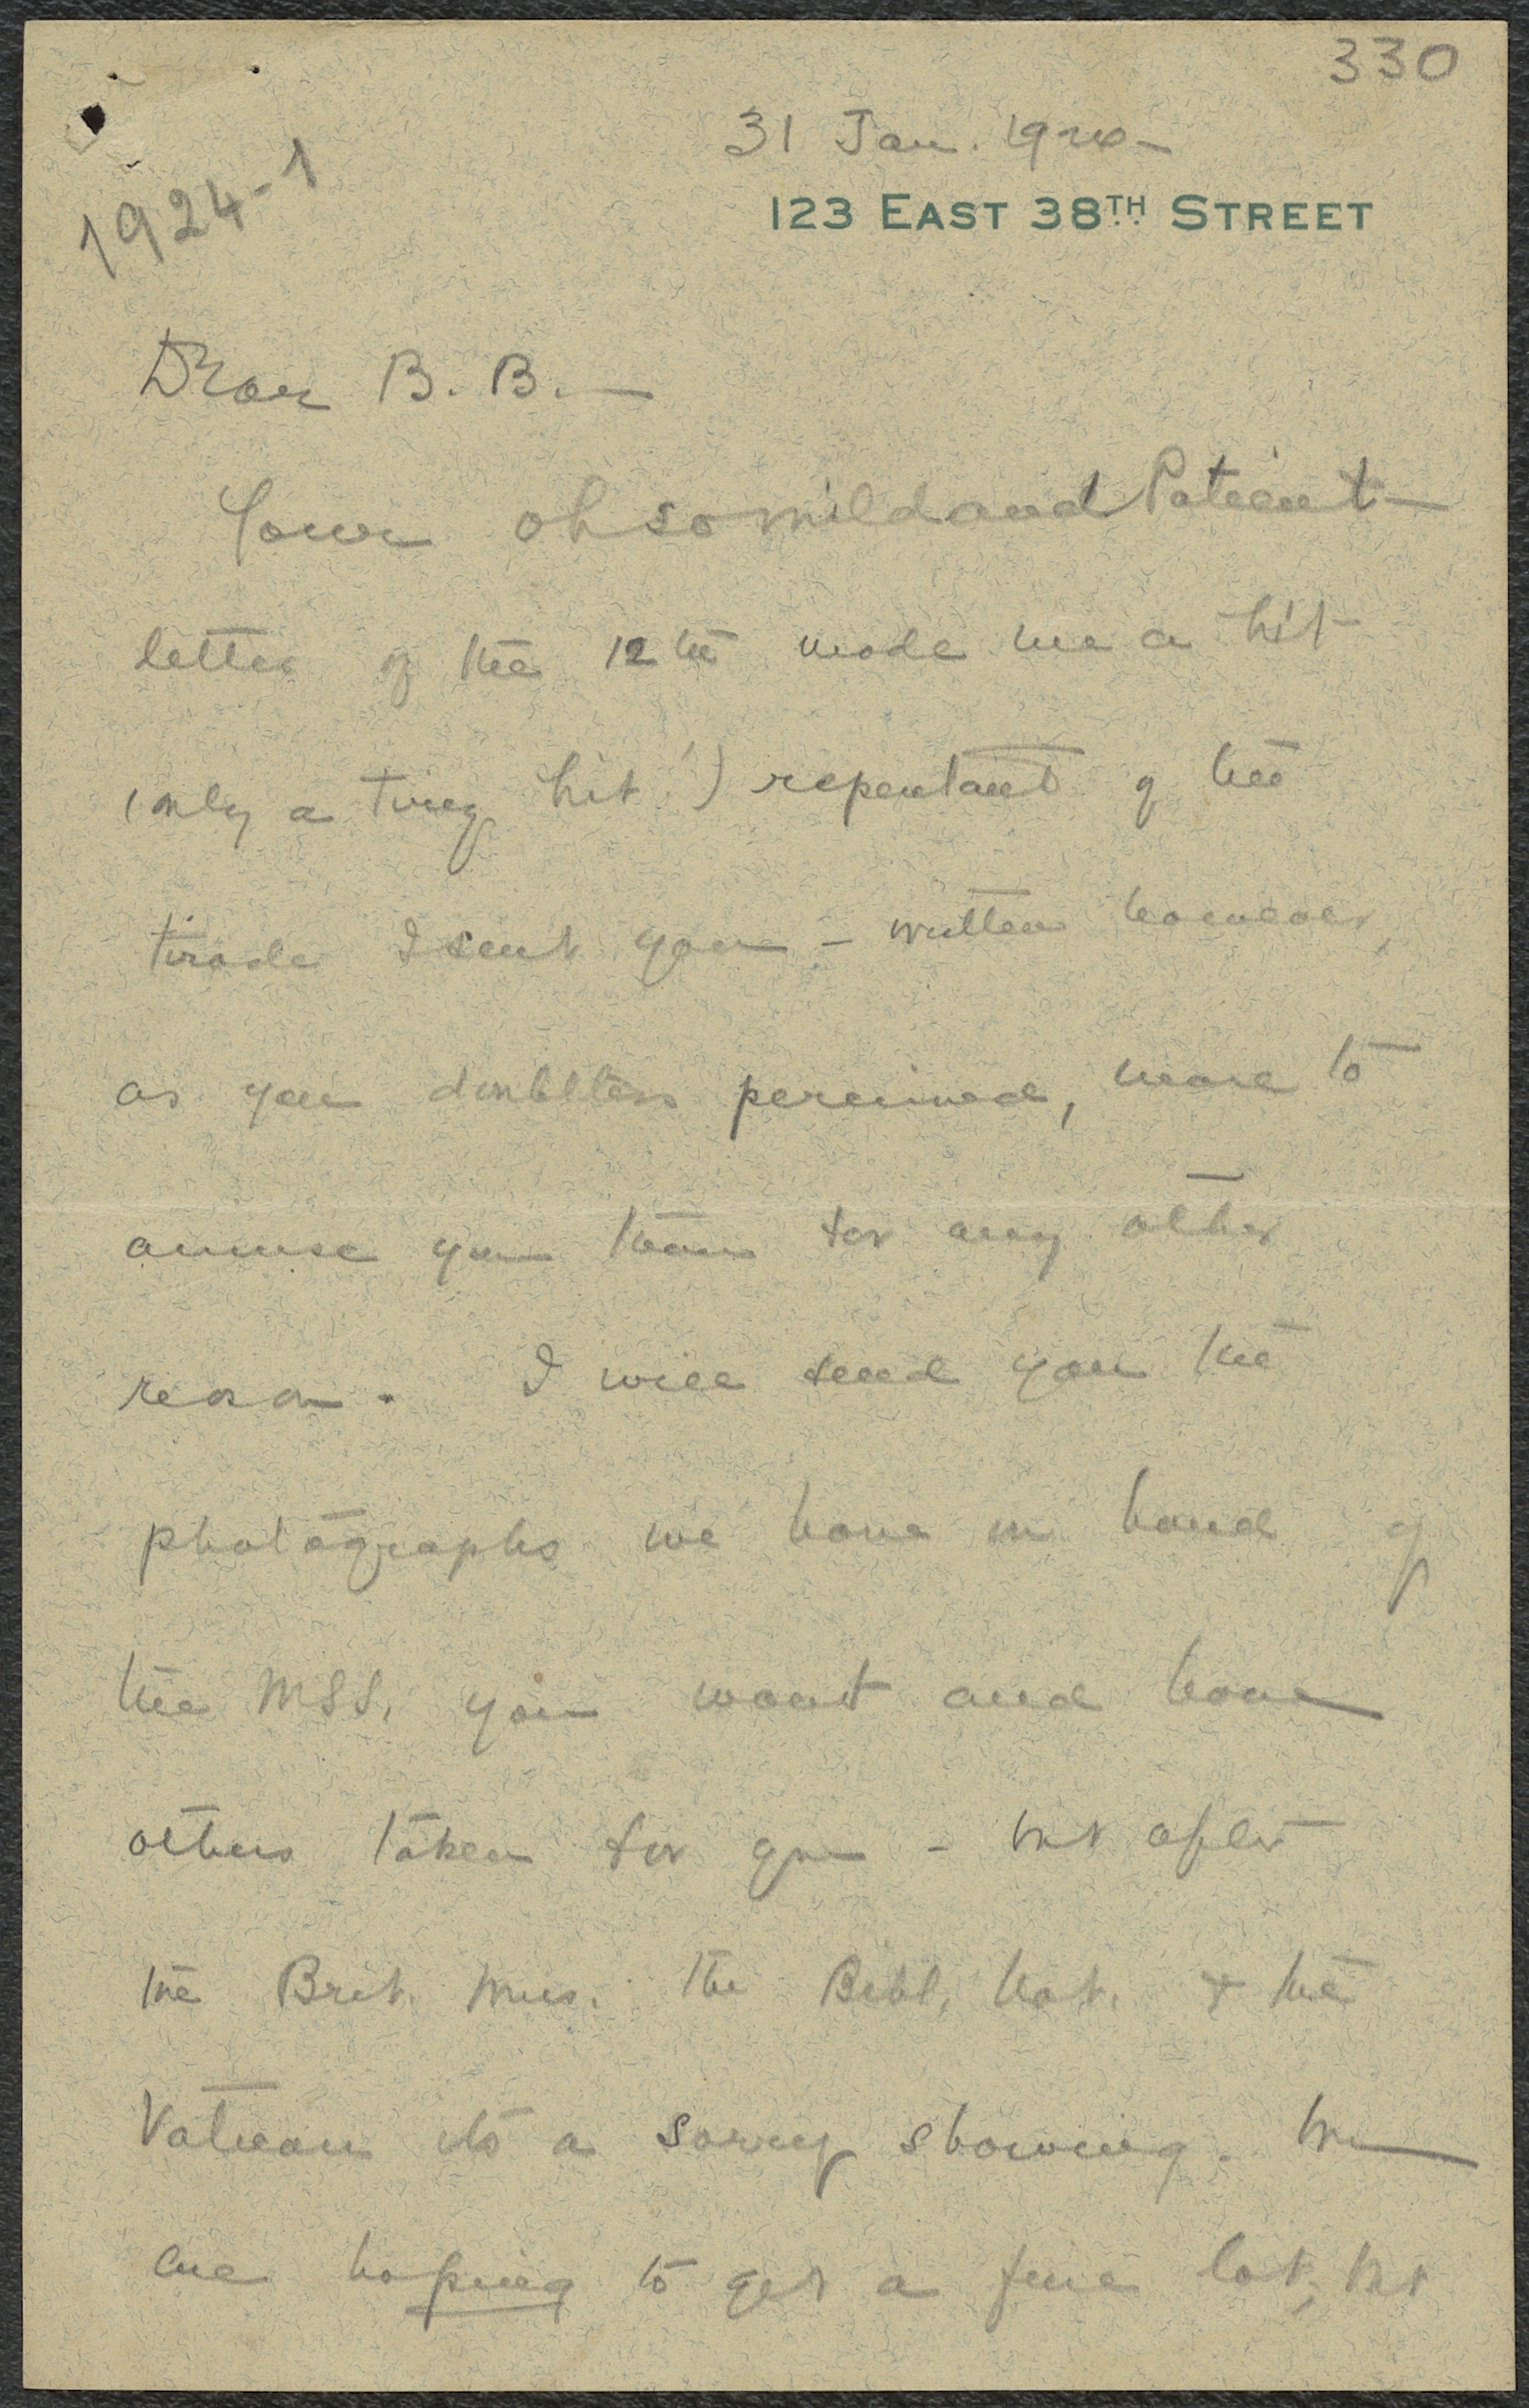31 Jan. 1924 –
Dear B.B –
Your ohsomildandPatient – letter of the 12th made me a bit (only a tiny bit!) repentant of the tirade I sent you – written however, as you doubtless perceived, more to amuse you than for any other reason. I will send you the photographs we have in hand of the MSS. you want and have others taken for you – but after the Brit. Mus. the Bibl. Nat. & the Vatican it's a sorry showing. We are hoping to get a full lot, but